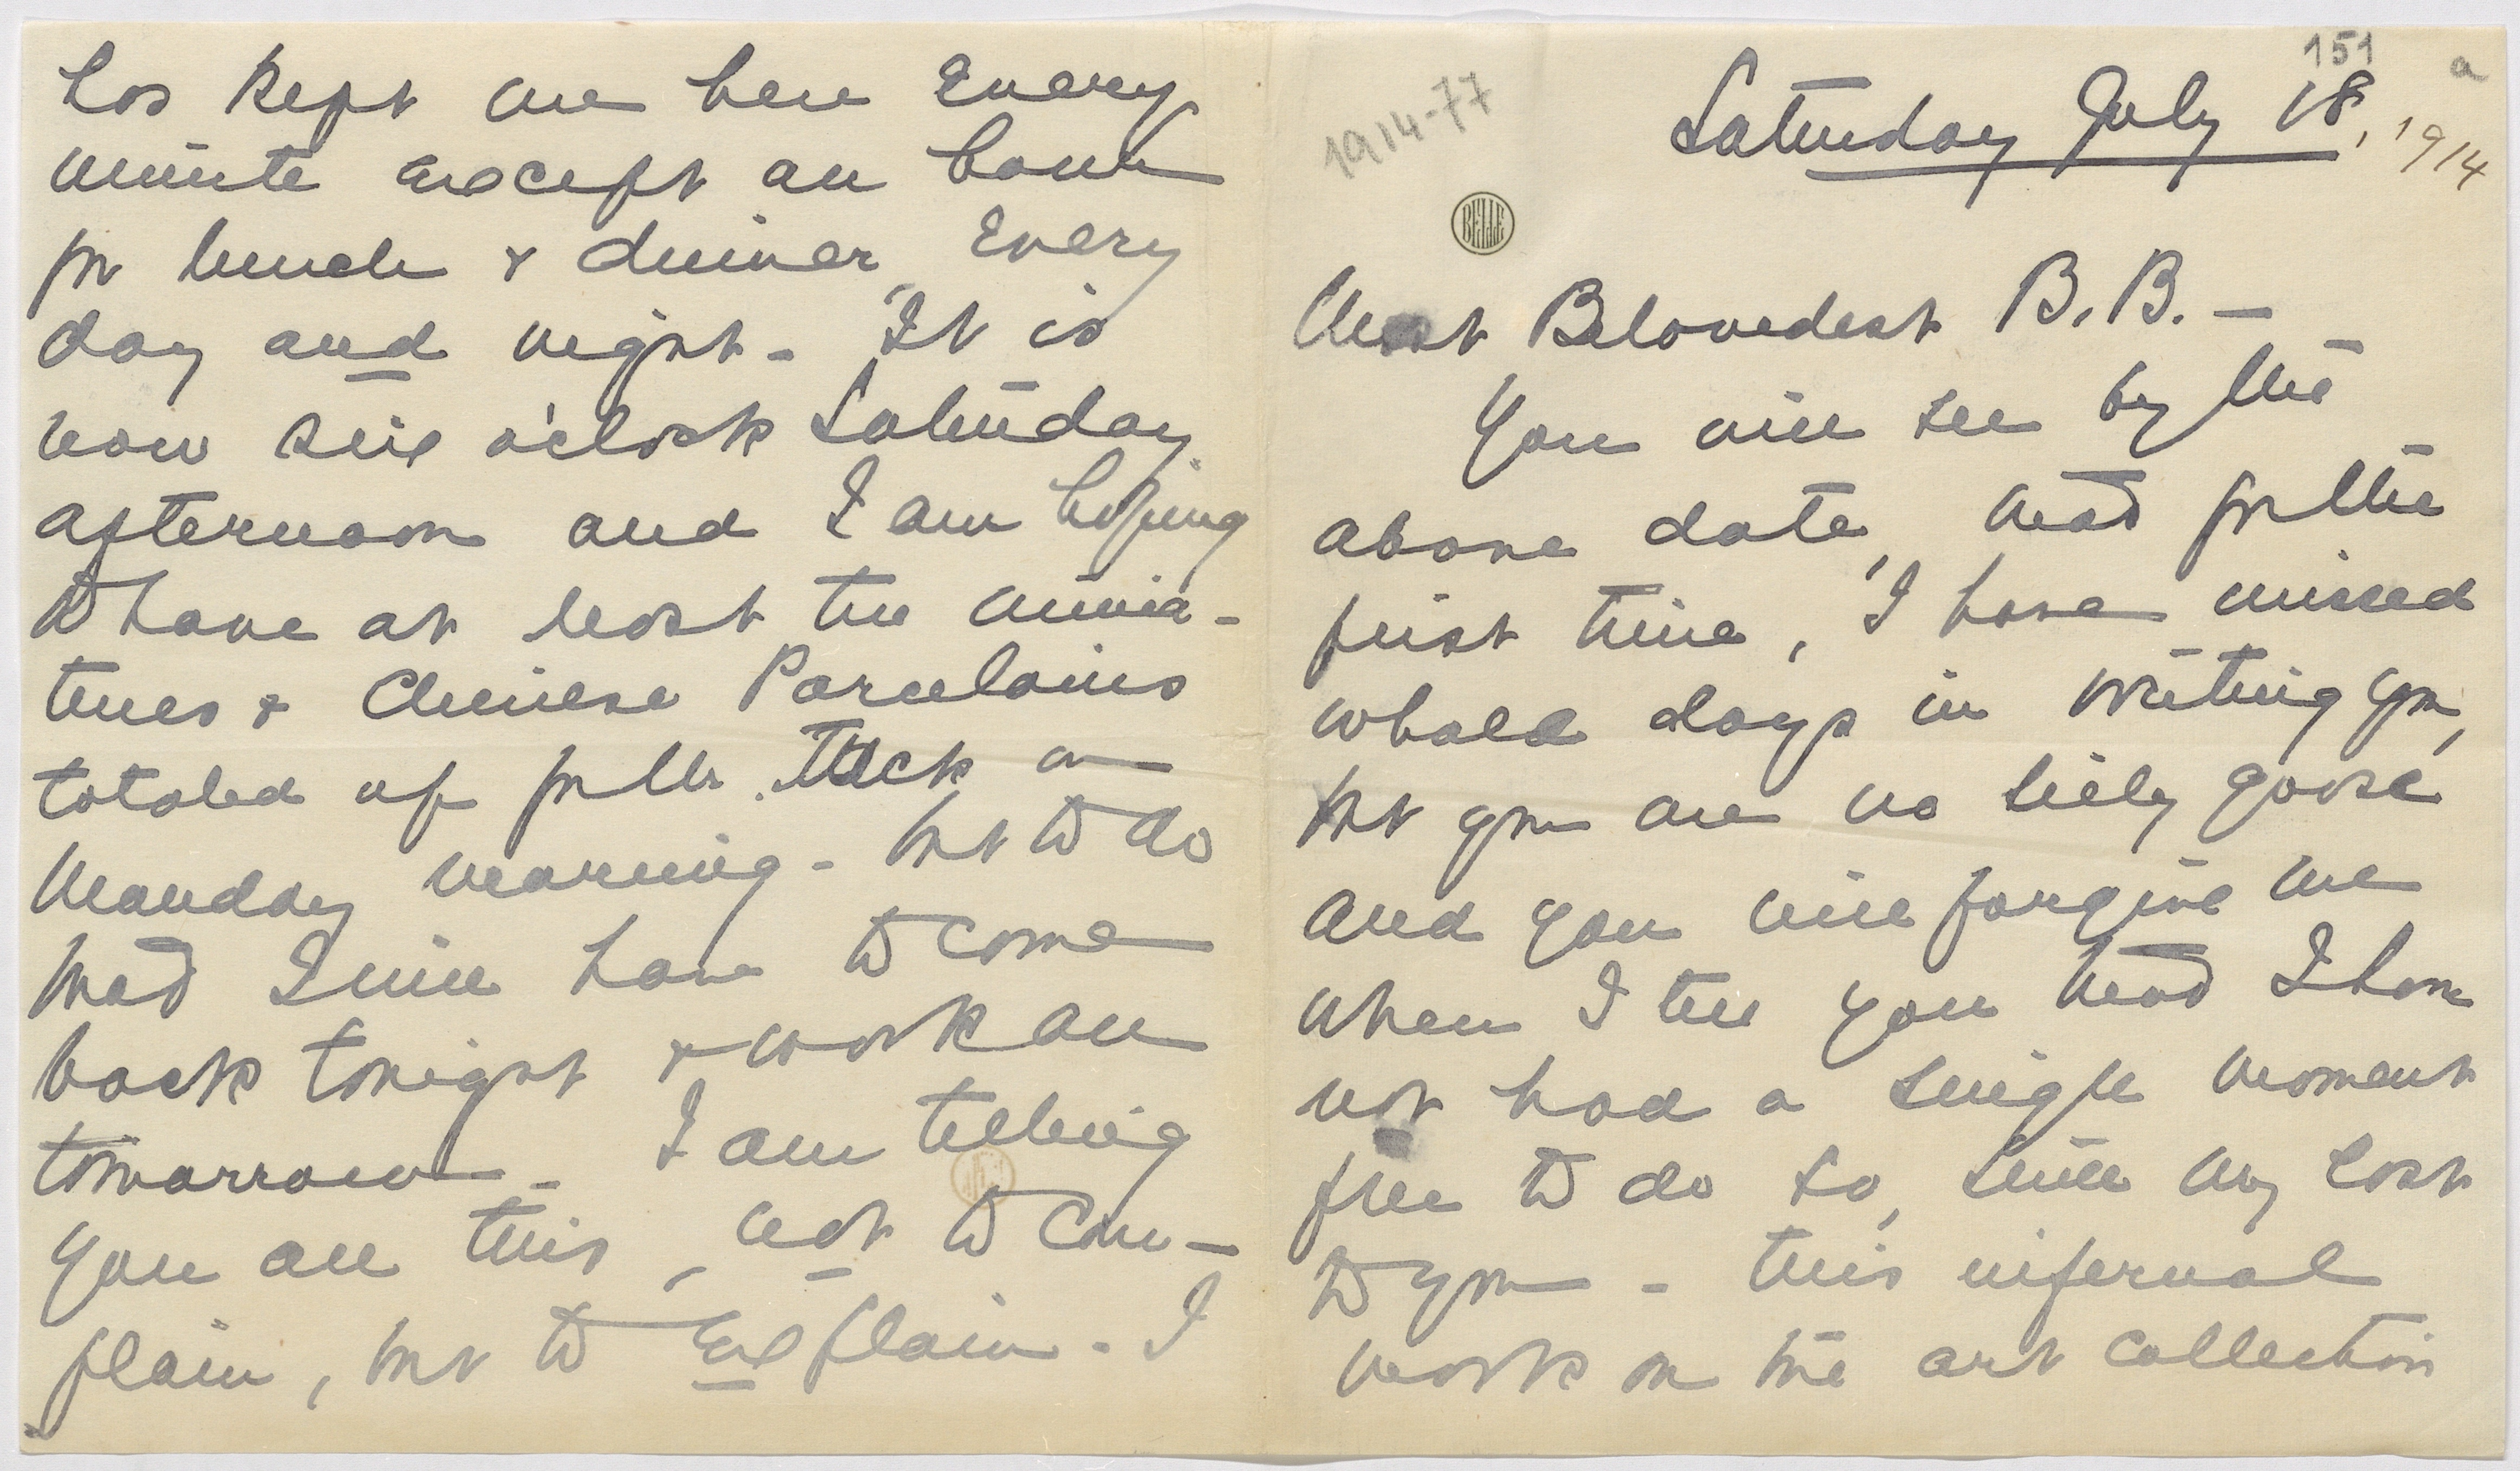Saturday July 18
Most Belovedest B. B. –
You will see by the above date, that for the first time, I have missed whole days in writing you, but you are no silly goose and you will forgive me when I tell you that I have not had a single moment free to do so, since my last to you – this infernal work on the art collection
has kept me here every minute except an hour for lunch & dinner every day and night – It is now six o’clock Saturday afternoon and I am hoping to have at least the miniatures & Chinese Porcelains totaled up for Mr. Jack on Monday morning – but to do that I will have to come back tonight & work all tomorrow – I am telling you all this, not to complain, but to explain – I